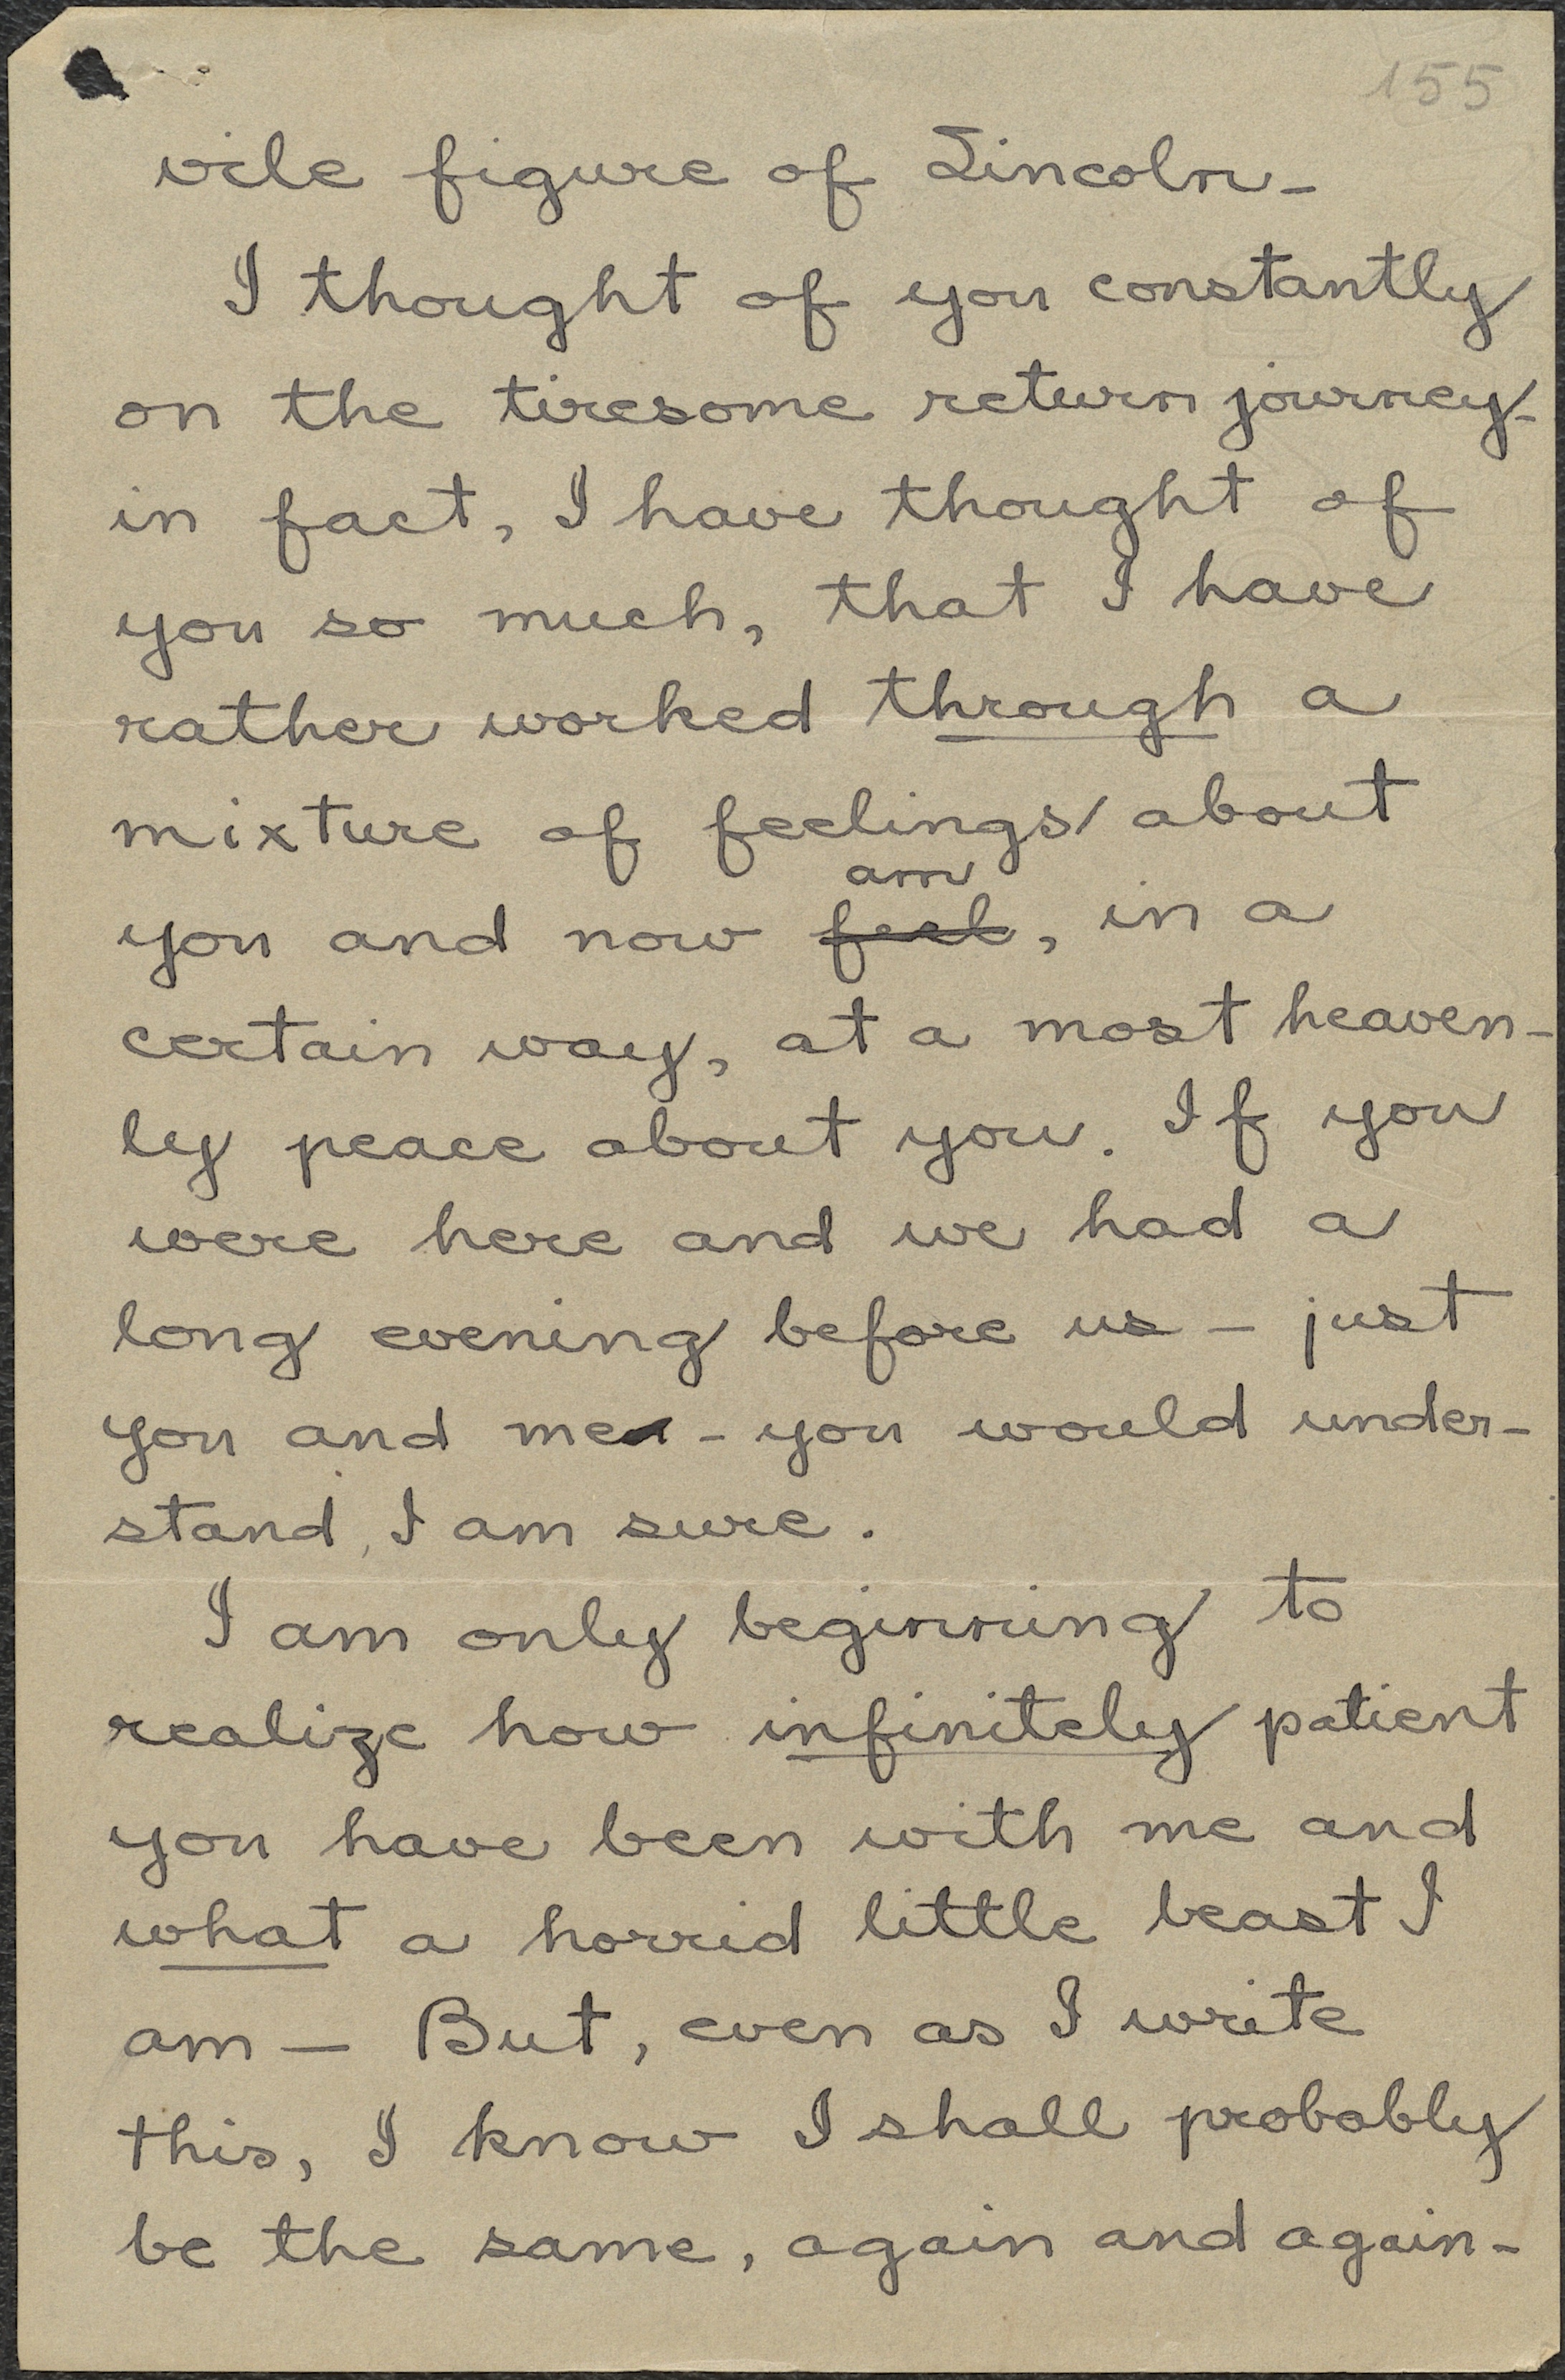vile figure of Lincoln –
I thought of you constantly on the tiresome return journey – in fact, I have thought of you so much, that I have rather worked through a mixture of feelings about you and now feel [^am^], in a certain way, at a most heavenly peace about you. If you were here and we had a long evening before us – just you and me – you would understand, I am sure.
I am only beginning to realize how infinitely patient you have been with me and what a horrid little beast I am – But, even as I write this, I know I shall probably be the same, again and again –